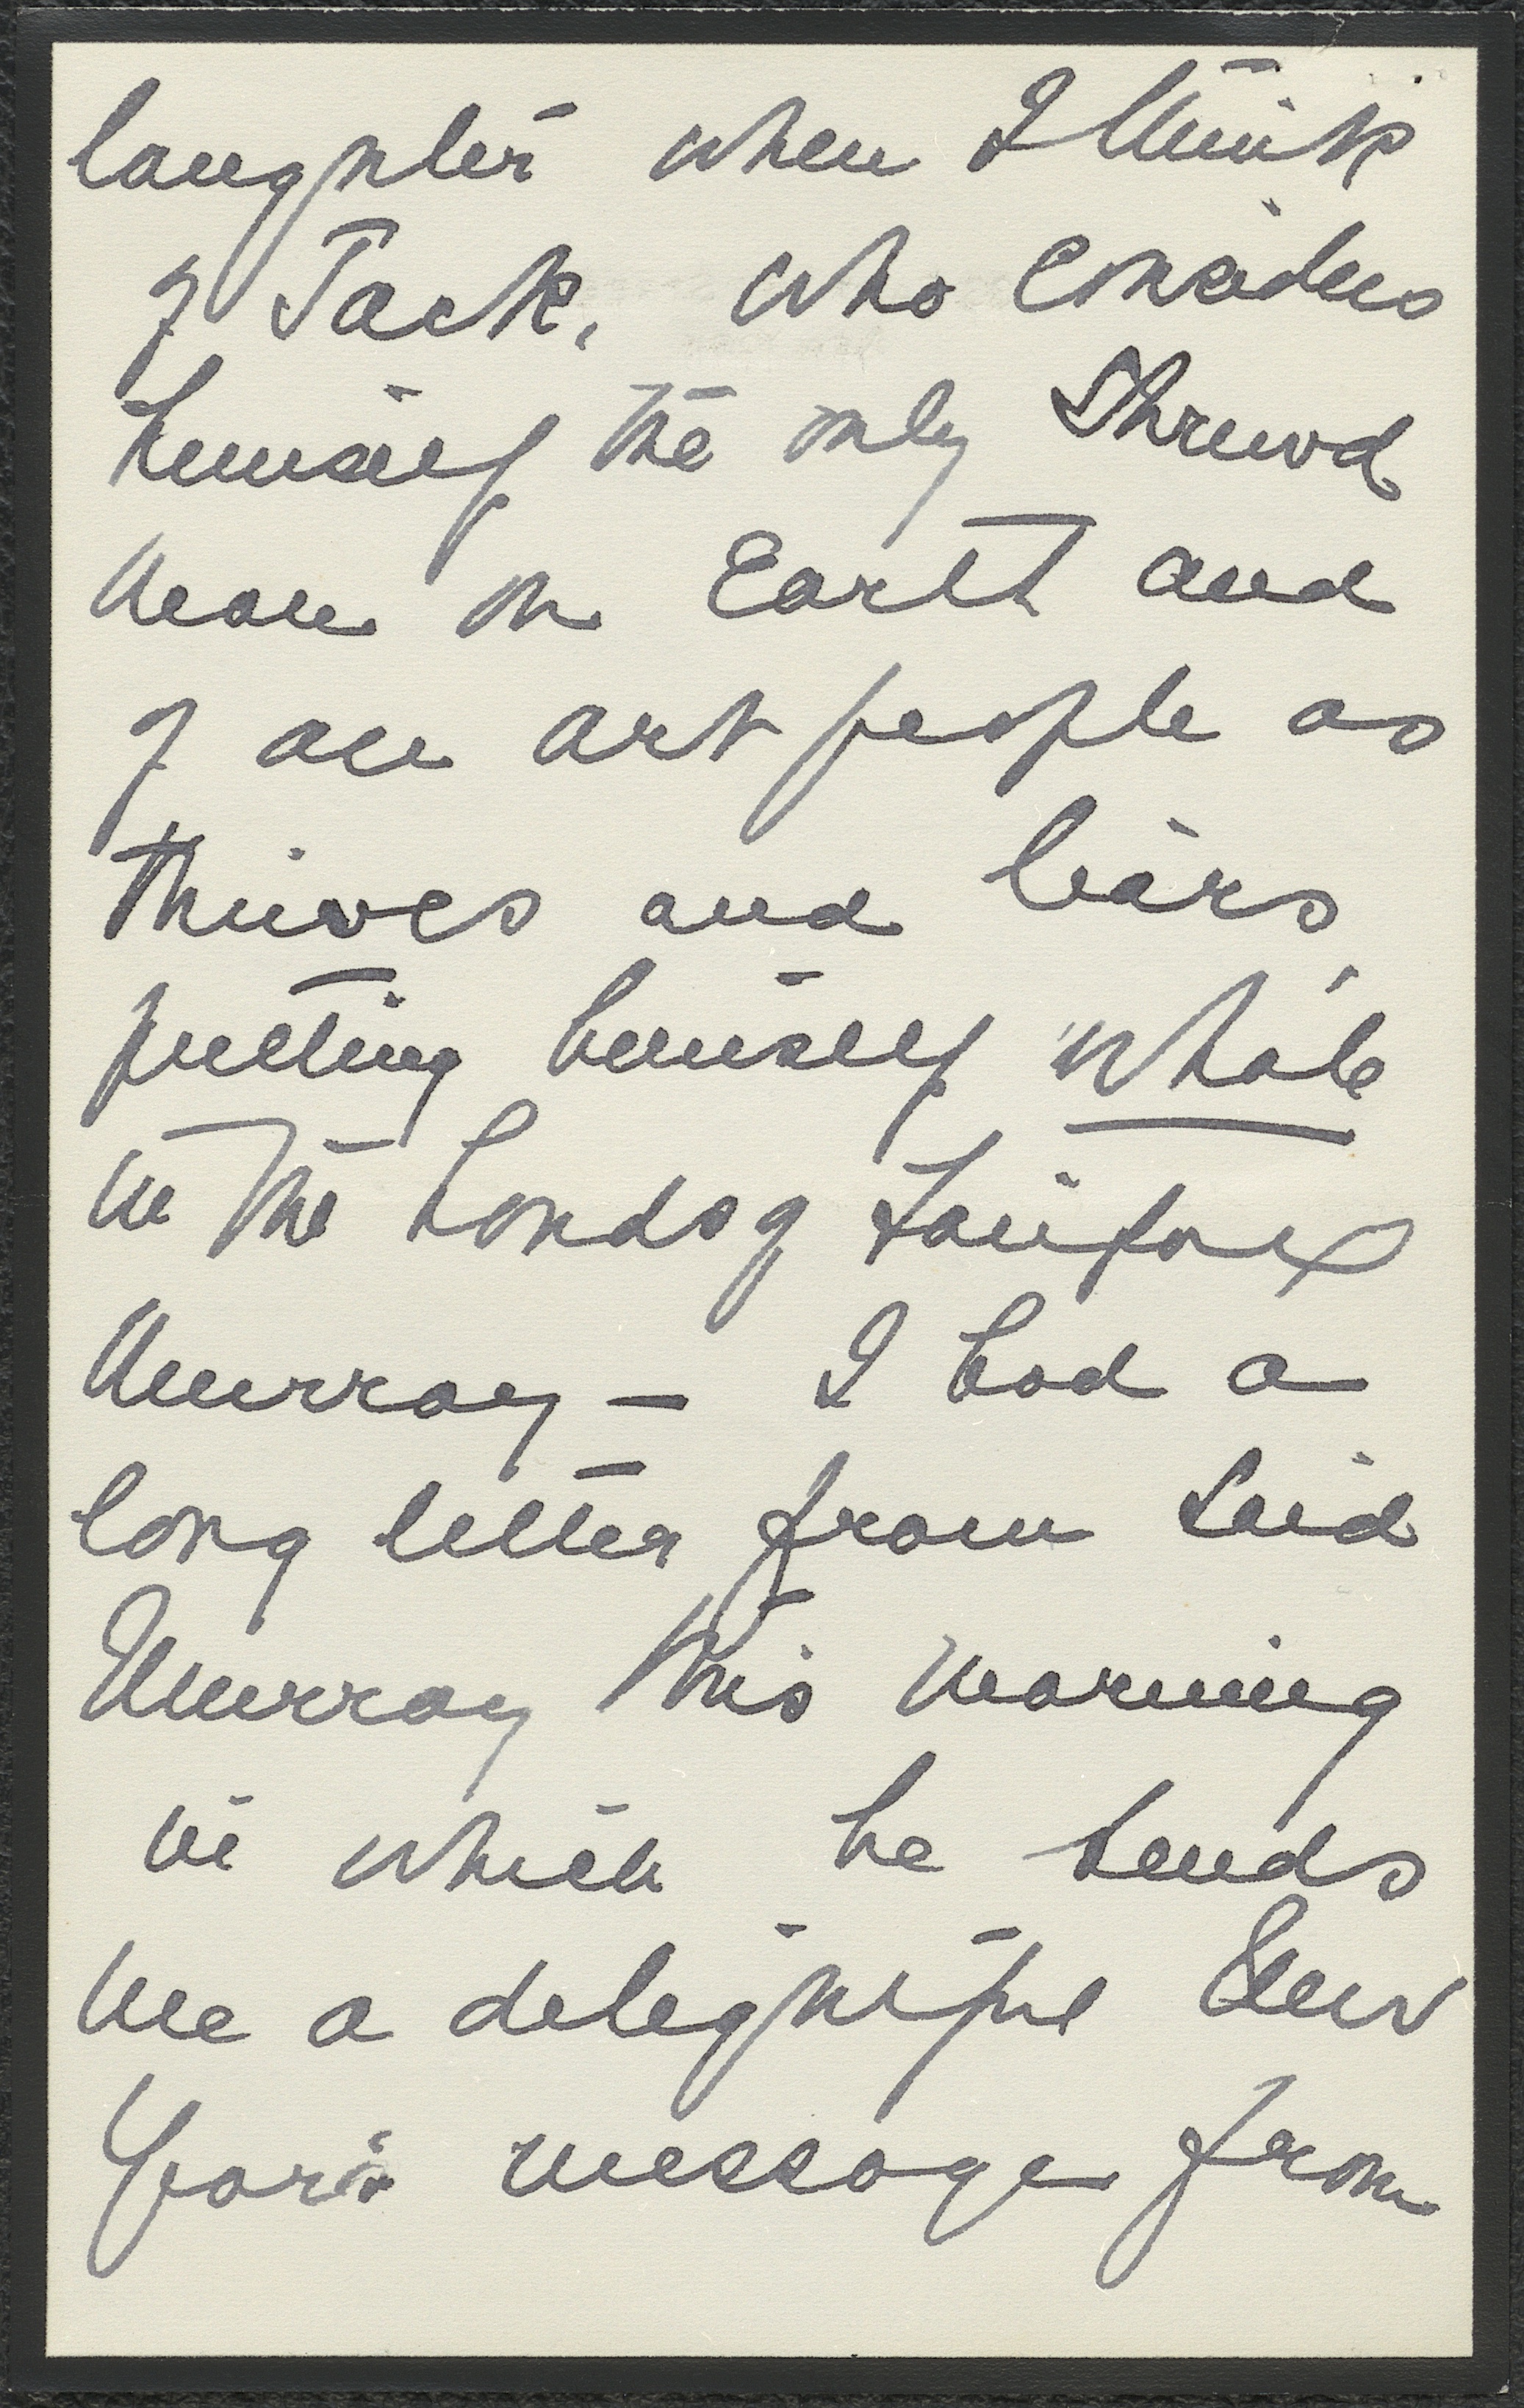laughter when I think of Jack, who considers himself the only shrewd man on Earth and of all art people as thieves and liars, putting himself whole in the hands of Fairfax Murray – I had a long letter from said Murray this morning in which he sends me a delightful New Year’s message from